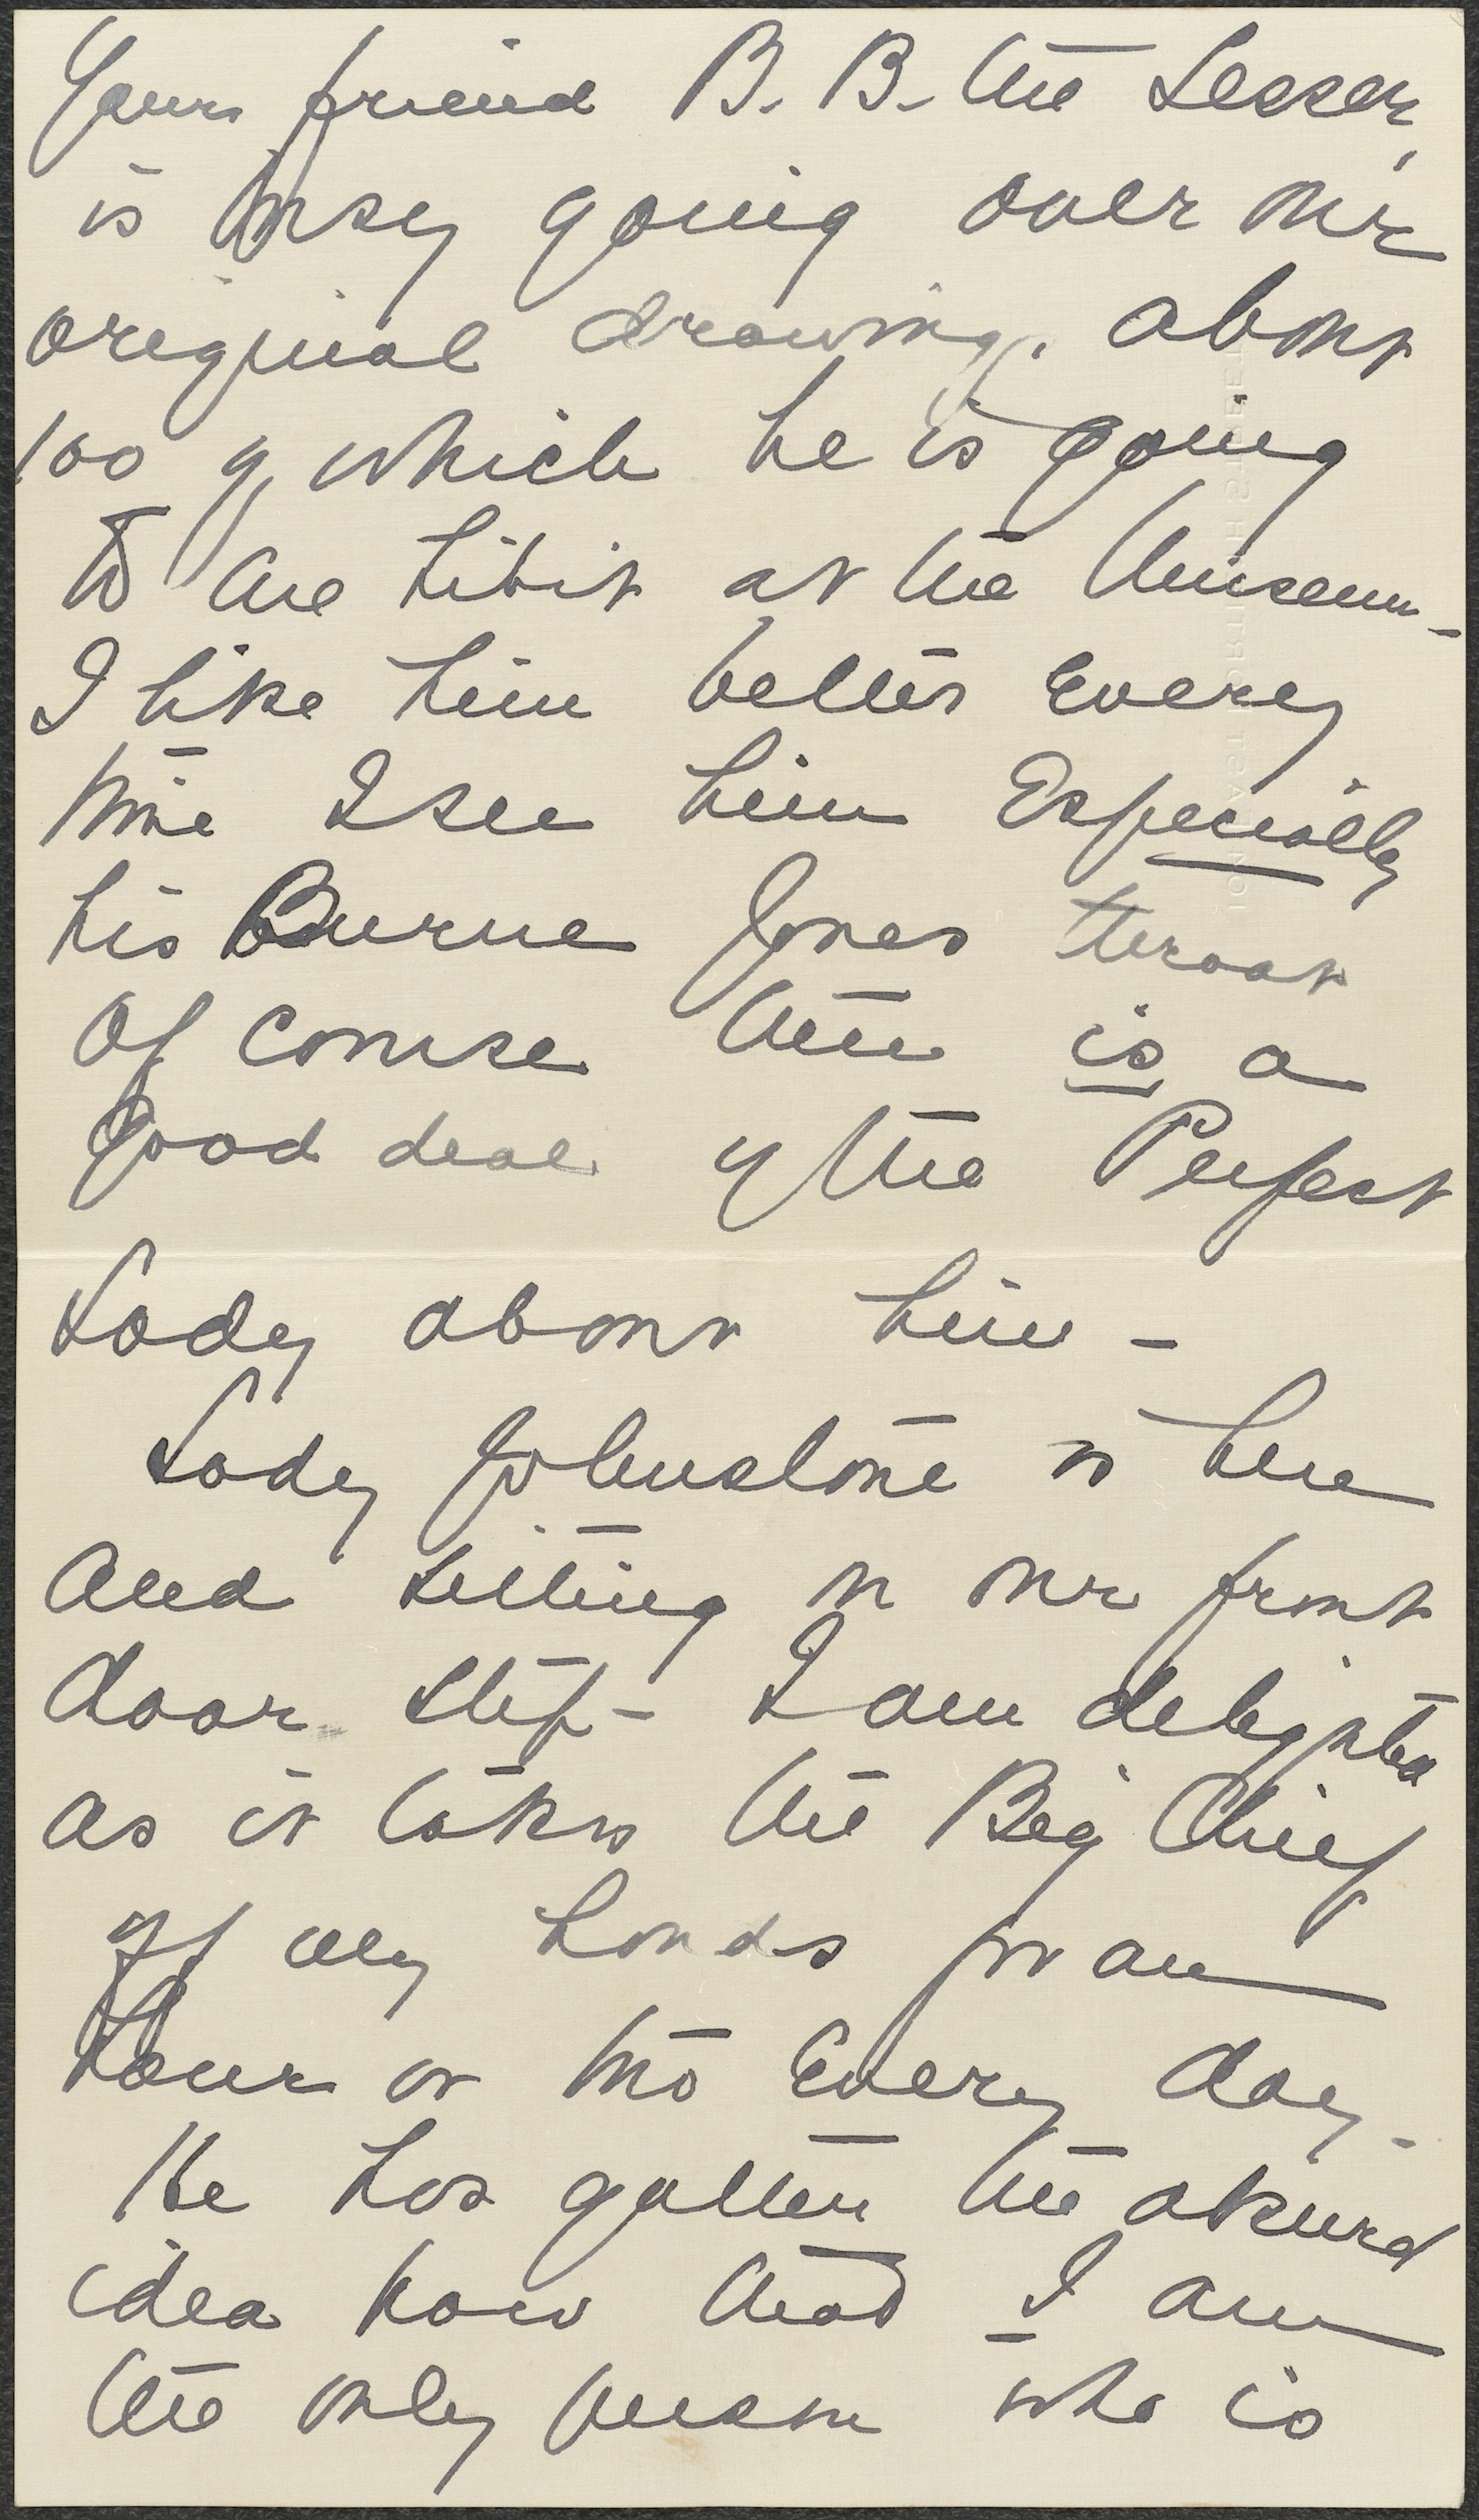Your friend B. B. the Lesser is busy going over our original drawing about 100 of which he is going to exhibit at the Museum – I like him better every time I see him especially his Burne Jones throat
Of course there is a good deal of the Perfect Lady about him –
Lady Johnstone is here and sitting on our front door step – I am delighted as it takes the Big Chief off my hands for an hour or two every day –
He has gotten the absurd idea now that I am the only person who is